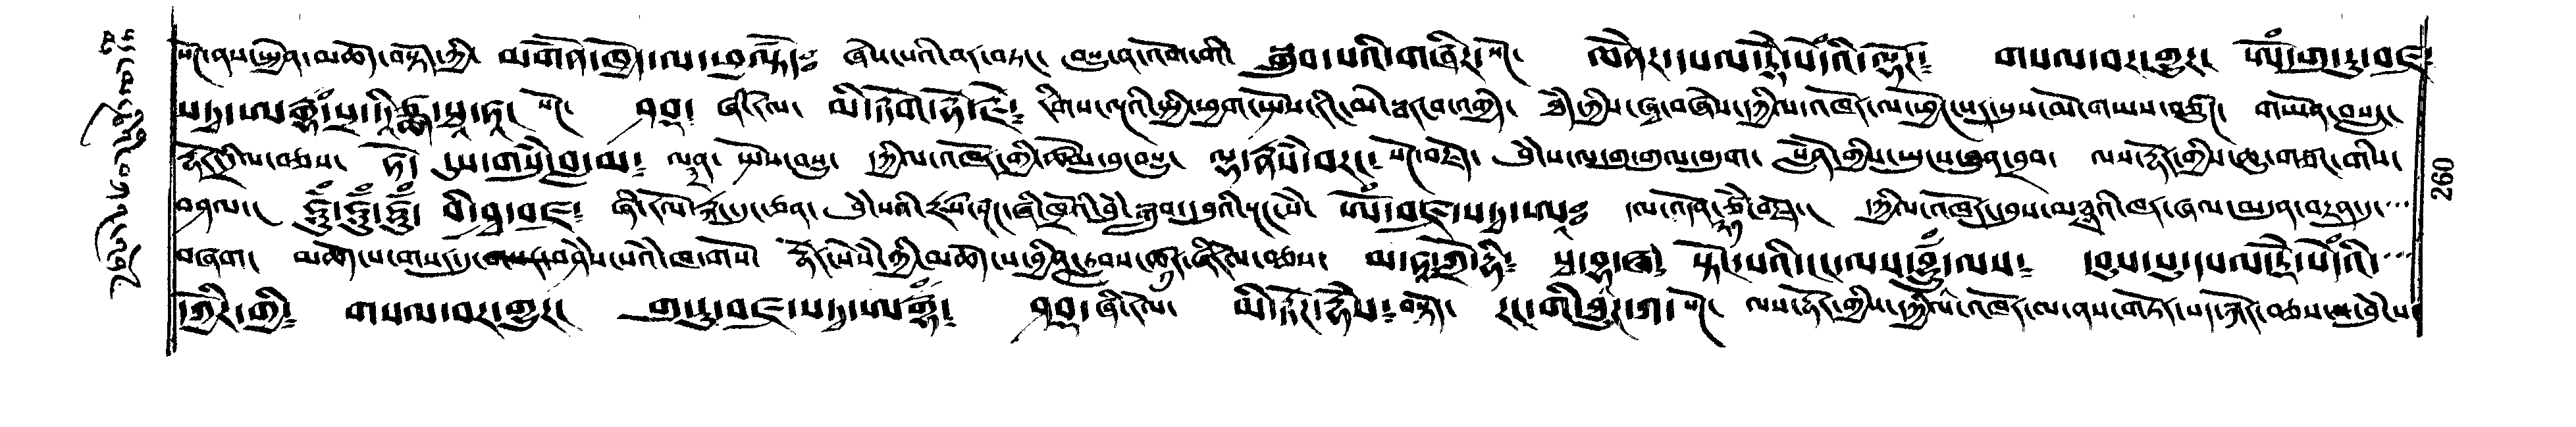སོགས་ནས་སྤྱན་འདྲེན་མཆོད་བསྟོད་ཀྱི། མགོན་པོ་ཁྱོད་ལ་ཕྱག་འཚལ་བསྟོད༔ ཅེས་པའི་བར་གཏང་། བསྡུ་ན་འོག་གི སྒྲུབ་པའི་གཞིར༴ སོགས། ཆེན་པོར་དཔལ་རྡོ་རྗེ་སེམས་པའི་ལྷ་ཚོགས༴ གསལ་བར་གྱུར། ཨོཾ་གུ་རུ་བཛྲ་
སཏྭ་ཨརྒྷཾ་པྲ་ཏཱིཙྪ་སྭ་ཧཱ། སོགས། ཤབྡ༴ ཞི་རོ། མི་རྟོག་རྡོ་རྗེ༴ རིགས་ལྔའི་སྤྱི་ཕྱག་སྤོས་རིང་མེ་སྦར་བ་འགྱེད། ཐམས་ཅད་ཀྱིས་ཞྭ་བཞེས་དཀྱིལ་འཁོར་ལ་ཕྱོགས་པར་པུས་མོ་གཡས་བཙུགས་གཡོན་བསླངས་
རྡོར་དྲིལ་བཅས། ཧོཿ དུས་གསུམ་བླ་མ༴ ལན་གསུམ། སྤོས་བསྡུ། དཀྱིལ་འཁོར་གྱི་ཚོམ་བུ་བསྡུ། ལྷ་རྣམས་བར༴ སོགས་བརྗོད། བུམ་པ་ལ་གུ་གུལ་བདུག སློབ་དཔོན་གྱིས་ཡུངས་ཐུན་བྲབ། ལས་རྡོར་གྱིས་ཆུ་གཙང་གིས་
བཤལ། ཧཱུྃ་ཧཱུྃ་ཧཱུྃ། བི་ཤྭ་བཛྲ༴ ཞི་རོལ་རྐང་དུ་ཅན། བུམ་པའི་རྫས་སྔགས་ཞི་ཁྲོའི་བུམ་སྒྲུབ་དབུའི་སྔགས་སམ། ཨོཾ་བཛྲ་སཏྭ་ཨཱཿ དལ་འདོན་ཉེར་གཅིག་ཙམ་བརྗོད། དཀྱིལ་འཁོར་དབུས་མཉྫའི་ཁར་ཞལ་མདུན་བསྟན་དུ་
གཞག མཆོད་པ་གསར་དུ་བཤམ་པའམ་ཁ་གསོ། རྡོར་སེམས་ཀྱི་མཆོད་པ་བྱིན་རླབས་ཚར་གཅིག་ཞི་རོལ་བཅས། མ་ཧཱ་ཀྲོ་དྷི༴ སྭ་བྷ་ཝ༴ སྟོང་པའི་ངང་ལས་བྷྲུྃ་ལས༴ དབུས་སུ་དཔལ་རྡོ་རྗེ་སེམས་པའི་
དཀྱིལ་འཁོར་གྱི༴ གསལ་བར་གྱུར། གུ་རུ་བཛྲ་སཏྭ་ཨ་རྒྷཾ༴ ཤབྡ་ཞི་རོལ། མི་རྟོག་རྡོ་རྗེ༴ བསྟོད། རང་གི་ཐུགས་ཀ༴ སོགས། ལས་རྡོར་གྱིས་དཀྱིལ་འཁོར་ལ་ནས་གཏོར་པད་སྐོར་བཅས་བུམ་པ་